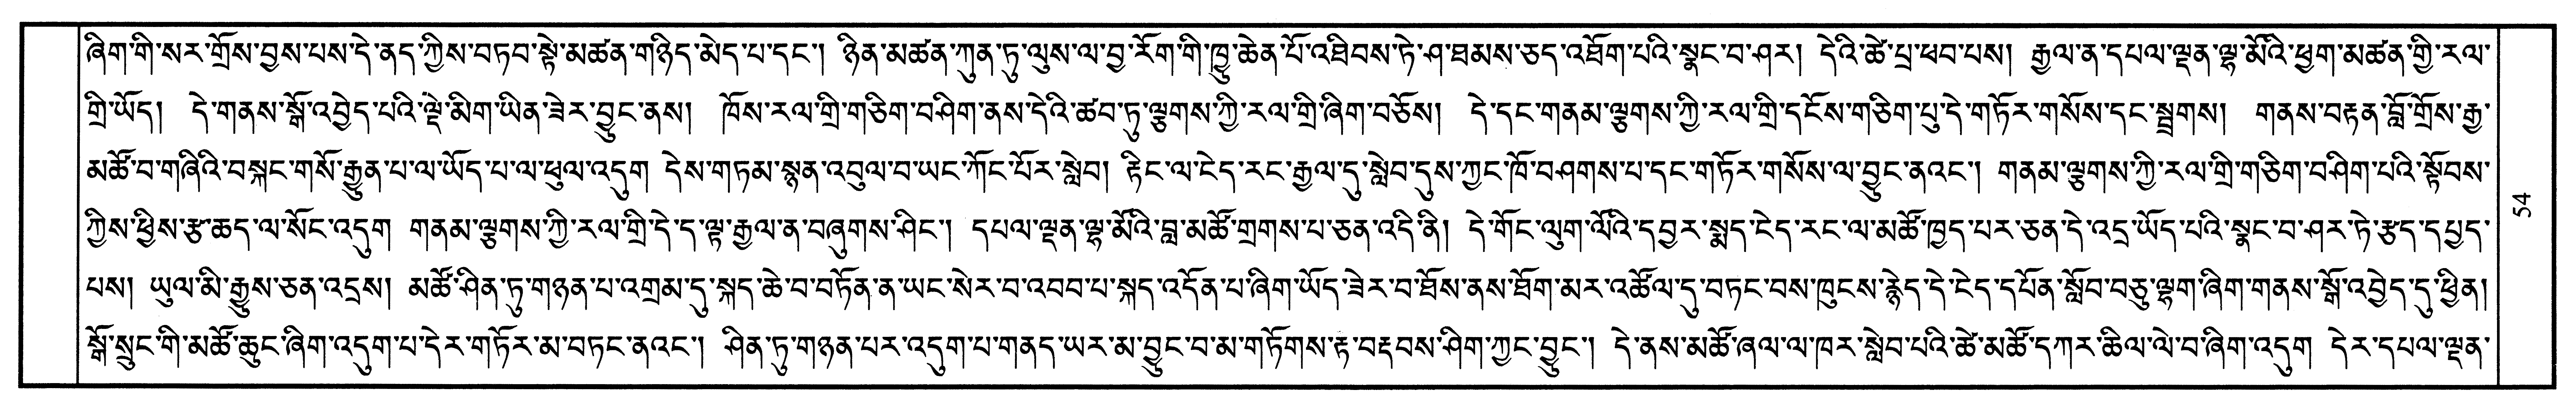ཞིག་གི་སར་གྲོས་བྱས་པས་དེ་ནད་ཀྱིས་བཏབ་སྟེ་མཚན་གཉིད་མེད་པ་དང་། ཉིན་མཚན་ཀུན་ཏུ་ལུས་ལ་བྱ་རོག་གི་ཁྱུ་ཆེན་པོ་འཐིབས་ཏེ་ཤ་ཐམས་ཅད་འཐོག་པའི་སྣང་བ་ཤར། དེའི་ཚེ་པྲ་ཕབ་པས། རྒྱལ་ན་དཔལ་ལྡན་ལྷ་མོའི་ཕྱག་མཚན་གྱི་རལ་
གྲི་ཡོད། དེ་གནས་སྒོ་འབྱེད་པའི་ལྡེ་མིག་ཡིན་ཟེར་བྱུང་ནས། ཁོས་རལ་གྲི་གཅིག་བཤིག་ནས་དེའི་ཚབ་ཏུ་ལྕགས་ཀྱི་རལ་གྲི་ཞིག་བཅོས། དེ་དང་གནམ་ལྕགས་ཀྱི་རལ་གྲི་དངོས་གཅིག་པུ་དེ་གཏོར་གསོས་དང་སྦྲགས། གནས་བརྟན་བློ་གྲོས་རྒྱ་
མཚོ་བ་གཞིའི་བསྐང་གསོ་རྒྱུན་པ་ལ་ཡོད་པ་ལ་ཕུལ་འདུག་དེས་གཏམ་སྙན་འབུལ་བ་ཡང་ཀོང་པོར་སླེབ། རྟིང་ལ་ངེད་རང་རྒྱལ་དུ་སླེབ་དུས་ཀྱང་ཁོ་བཤགས་པ་དང་གཏོར་གསོས་ལ་བྱུང་ནའང་། གནམ་ལྕགས་ཀྱི་རལ་གྲི་གཅིག་བཤིག་པའི་སྟོབས་
ཀྱིས་ཕྱིས་རྩ་ཆད་ལ་སོང་འདུག། གནམ་ལྕགས་ཀྱི་རལ་གྲི་དེ་ད་ལྟ་རྒྱལ་ན་བཞུགས་ཤིང་། དཔལ་ལྡན་ལྷ་མོའི་བླ་མཚོ་གྲགས་པ་ཅན་འདི་ནི། དེ་གོང་ལུག་ལོའི་དབྱར་སྨད་ངེད་རང་ལ་མཚོ་ཁྱད་པར་ཅན་དེ་འདྲ་ཡོད་པའི་སྣང་བ་ཤར་ཏེ་རྩད་དཔྱད་
པས། ཡུལ་མི་རྒྱུས་ཅན་འདྲས། མཚོ་ཤིན་ཏུ་གཉན་པ་འགྲམ་དུ་སྐད་ཆེ་བ་བཏོན་ན་ཡང་སེར་བ་འབབ་པ་སྐད་འདོན་པ་ཞིག་ཡོད་ཟེར་བ་ཐོས་ནས་ཐོག་མར་འཚོལ་དུ་བཏང་བས་ཁུངས་རྙེད་དེ་ངེད་དཔོན་སློབ་བཅུ་ལྷག་ཞིག་གནས་སྒོ་འབྱེད་དུ་ཕྱིན།
སྒོ་སྲུང་གི་མཚོ་ཆུང་ཞིག་འདུག་པ་དེར་གཏོར་མ་བཏང་ནའང་། ཤིན་ཏུ་གཉན་པར་འདུག་པ་གནད་ཡར་མ་བྱུང་བ་མ་གཏོགས་རྟ་བརྡབས་ཤིག་ཀྱང་བྱུང་། དེ་ནས་མཚོ་ཞལ་ལ་ཁར་སླེབ་པའི་ཚེ་མཚོ་དཀར་ཆིལ་ལེ་བ་ཞིག་འདུག་དེར་དཔལ་ལྡན་